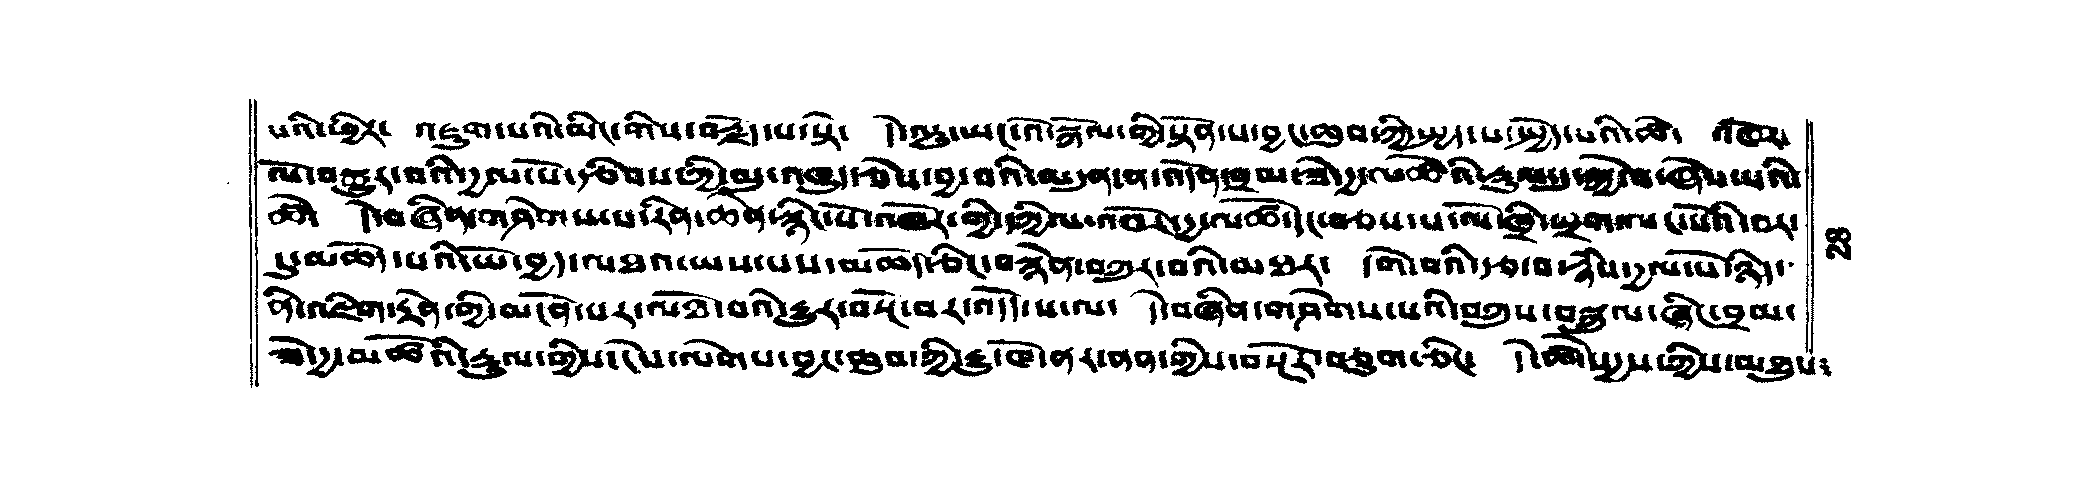པའི་ཕྱིར། འཇུག་པའི་མིང་གིས་བརྗོད་པ་སྟེ། དེ་ལྟ་བུ་ཡང་འོ་སྐོལ་གྱི་སྟོབ་པ་བྱང་ཆུབ་ཀྱི་སྤྱད་པ་སྤྱོད་པའི་ཚེ། འཁོར་
ལོ་བསྒྱུར་བའི་རྒྱལ་པོ་རྩིབས་ཀྱི་མུུ་འཁྱུད་ཅེས་བྱ་བའི་མདུན་ན་འདོན་བྲམ་ཟེ་རྒྱ་མཚོའི་རྡུལ་དུ་སྐྱེ་བ་ཞེས་པའི་
ཚེ། དེ་བཞིན་གཤེགས་པ་རིན་ཆེན་སྙིང་པོ་འཁོར་གྱི་དཀྱིལ་འཁོར་རྒྱ་མཚོ་དང་བཅས་པ་ལོ་ཁྲི་ཕྲག་མང་པོའི་བར་
དུ་མཆོད་པའི་ཡོ་བྱད་མཐའ་ཡས་པས་མཆོད་ཅིང་བསྙེན་བཀུར་བའི་མཐར། དགེ་བའི་རྩ་བ་རྣམས་རྒྱལ་པོ་ཉིད་
ནི་འཇིག་རྟེན་གྱི་མངོན་པར་མཐོ་བའི་རྒྱུར་བསྔོ་བར་འདོད་པ་ལ།དེ་བཞིན་གཤེགས་པའི་བཀུས་བསྐུལ་ཞིང་བྲམ་
ཟེ་རྒྱ་མཚོའི་རྡུལ་གྱིས་ངེས་ལེགས་བྱང་ཆུབ་ཀྱི་རྒྱུ་ཁོ་ནར་ནན་གྱིས་བསྔོར་བཅུག་ཅིང་། དེ་ཚེ་སངས་རྒྱས་ཀྱིས་མཐུས་